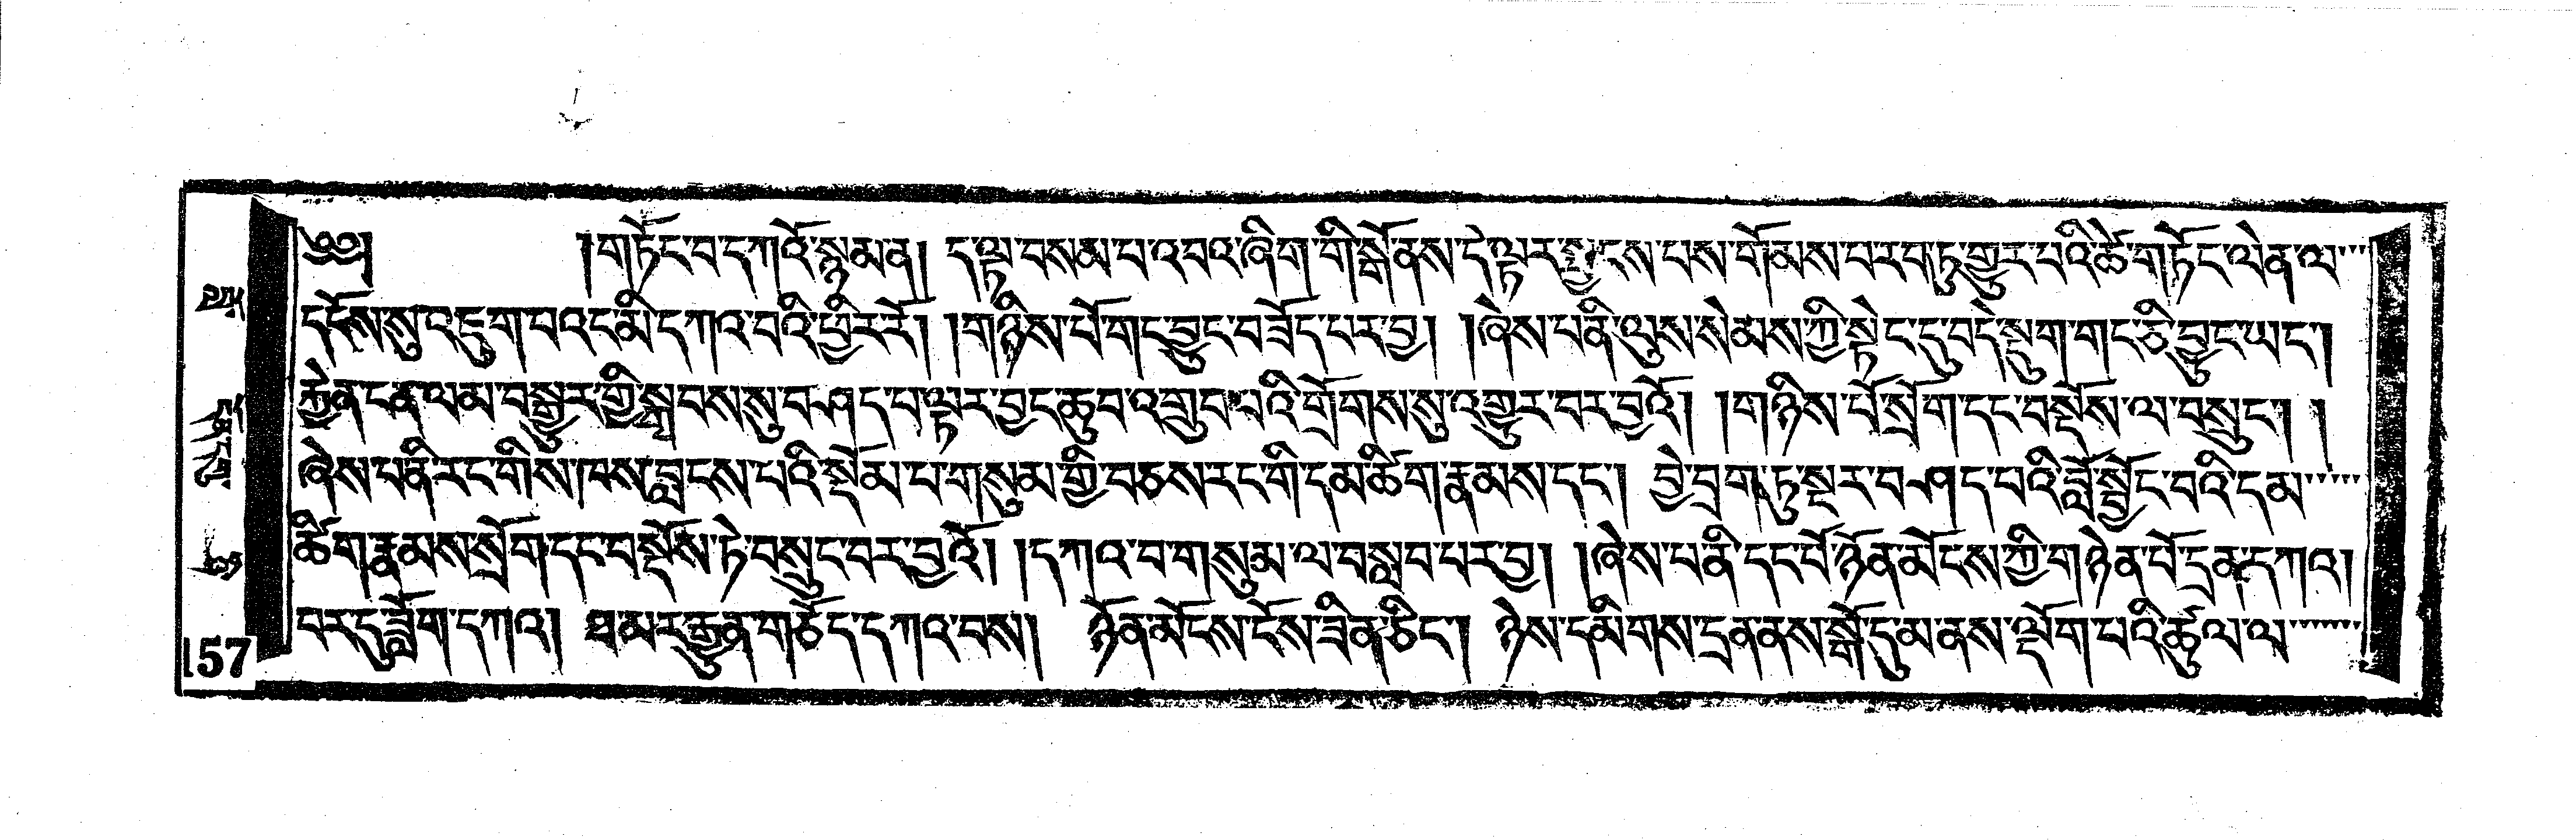༄༅། །གཏོང་བ་དཀའོ་སྙམ་ན། ད་ལྟ་བསམ་པ་འབའ་ཞིག་གི་སྒོ་ནས་དེ་ལྟར་སྤྱངས་པས་གོམས་པ་རབ་ཏུ་གྱུར་པའི་ཚེ་གཏོང་ལེན་ལ་
དངོས་སུ་འཇུག་པའང་མི་དཀའ་བའི་ཕྱིར་རོ། །གཉིས་པོ་གང་བྱུང་བཟོད་པར་བྱ། །ཞེས་པ་ནི་ལུས་སེམས་ཀྱི་སྟེང་དུ་བདེ་སྡུག་གང་ཅི་བྱུང་ཡང་།
རྐྱེན་ངན་ལམ་བསྒྱུར་གྱི་སྐབས་སུ་བཤད་པ་ལྟར་བྱང་ཆུབ་འགྲུབ་པའི་གྲོགས་སུ་འགྱུར་བར་བྱའོ། །གཉིས་པོ་སྲོག་དང་བསྡོས་ལ་བསྲུང་། །
ཞེས་པ་ནི་རང་གིས་ཁས་བླངས་པའི་སྡོམ་པ་གསུམ་གྱི་བཅས་རང་གི་དམ་ཚིག་རྣམས་དང་། བྱེ་བྲག་ཏུ་སྔར་བཤད་པའི་བློ་སྦྱོང་བའི་དམ་
ཚིག་རྣམས་སྲོག་དང་བསྡོས་ཏེ་བསྲུང་བར་བྱའོ། །དཀའ་བ་གསུམ་ལ་བསླབ་པར་བྱ། །ཞེས་པ་ནི་དང་པོ་ཉོན་མོངས་ཀྱི་གཉེན་པོ་དྲན་དཀའ།
བར་དུ་ཟློག་དཀའ། ཐ་མར་རྒྱུན་གཅོད་དཀའ་བས། ཉོན་མོངས་ངོས་ཟིན་ཅིང་། ཉེས་དམིགས་དྲན་ནས་སྒོ་དུ་མ་ནས་ལྡོག་པའི་ཚུལ་ལ་